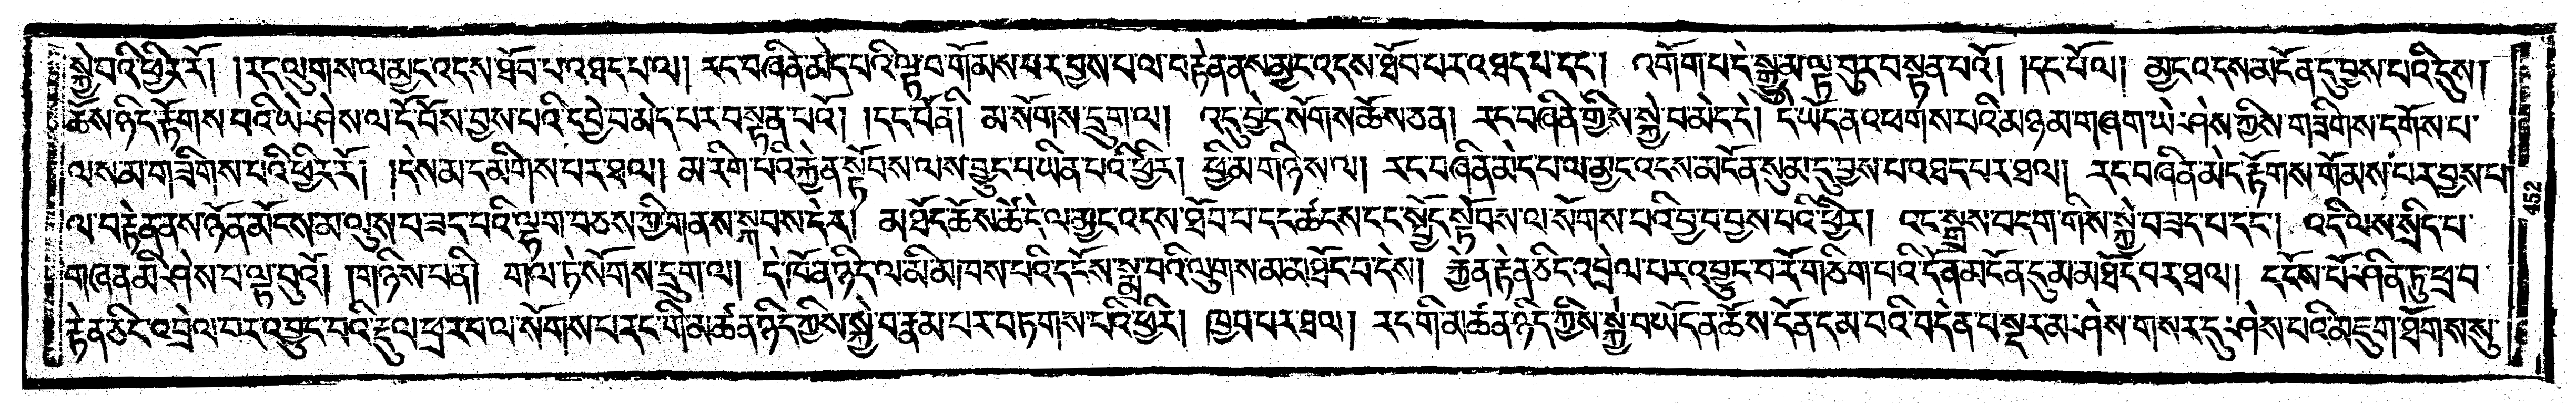སྐྱེ་བའི་ཕྱིར་རོ། །རང་ལུགས་ལ་མྱང་འདས་ཐོབ་པ་འཐད་པ་ལ། རང་བཞིན་མེད་པའི་ལྟ་བ་གོམས་པར་བྱས་པ་ལ་བརྟེན་ནས་མྱང་འདས་ཐོབ་པར་འཐད་པ་དང་། འགོག་པ་དེ་སྒྱུ་མ་ལྟ་བུར་བསྟན་པའོ། །དང་པོ་ལ། མྱང་འདས་མངོན་དུ་བྱས་པའི་དུས།
ཆོས་ཉིད་རྟོགས་པའི་ཡེ་ཤེས་ལ་ངོ་བོས་བྱས་པའི་དབྱེ་བ་མེད་པར་བསྟན་པའོ། །དང་པོ་ནི། མ་སོགས་དྲུག་ལ། འདུ་བྱེད་སོགས་ཆོས་ཅན། རང་བཞིན་གྱིས་སྐྱེ་བ་མེད་དེ། དེ་ཡོད་ན་འཕགས་པའི་མཉམ་གཞག་ཡེ་ཤེས་ཀྱིས་གཟིགས་དགོས་པ་
ལས་མ་གཟིགས་པའི་ཕྱིར་རོ། །དེས་མ་དམིགས་པར་ཐལ། མ་རིག་པའི་རྐྱེན་སྟོབས་ལས་བྱུང་བ་ཡིན་པའི་ཕྱིར། ཕྱི་མ་གཉིས་ལ། རང་བཞིན་མེད་པ་ལ་མྱང་འདས་མངོན་སུམ་དུ་བྱས་པ་འཐད་པར་ཐལ། རང་བཞིན་མེད་རྟོགས་གོམས་པར་བྱས་པ་
ལ་བརྟེན་ནས་ཉོན་མོངས་མ་ལུས་པ་ཟད་པའི་ལྷག་བཅས་ཀྱི་གནས་སྐབས་དེར། མཐོང་ཆོས་ཚེ་དེ་ལ་མྱང་འདས་ཐོབ་པ་དང་ཚངས་དང་སྤྱོད་སྟོབས་ལ་སོགས་པའི་བྱ་བ་བྱས་པའི་ཕྱིར། ?་སྒྲས་བདག་གིས་སྐྱེ་བ་ཟད་པ་དང་། འདི་ལས་སྲིད་པ་
གཞན་མི་ཤེས་པ་ལྟ་བུའོ། །གཉིས་པ་ནི། གལ་ཏེ་སོགས་དྲུག་ལ། དེ་ཁོ་ན་ཉིད་ལ་མི་མཁས་པའི་དངོས་སྨྲ་བའི་ལུགས་མ་མཐོང་བ་དེས། རྐྱེན་རྟེན་ཅིང་འབྲེལ་པར་འབྱུང་བ་རོ་གཅིག་པའི་དོན་མངོན་དུ་མ་མཐོང་བར་ཐལ། དངོས་པོ་ཤིན་ཏུ་ཕྲ་བ་
རྟེན་ཅིང་འབྲེལ་བར་འབྱུང་བའི་རྡུལ་ཕྲ་རབ་ལ་སོགས་པ་རང་གི་མཚན་ཉིད་ཀྱིས་སྐྱེ་བ་རྣམ་པར་བཏགས་པའི་ཕྱིར། ཁྱབ་པར་ཐལ། རང་གི་མཚན་ཉིད་ཀྱིས་སྐྱེ་བ་ཡོད་ན་ཆོས་དོན་དམ་པའི་བདེན་པ་སྔར་མ་ཤེས་གསར་དུ་ཤེས་པའི་མཇུག་ཐོགས་སུ་